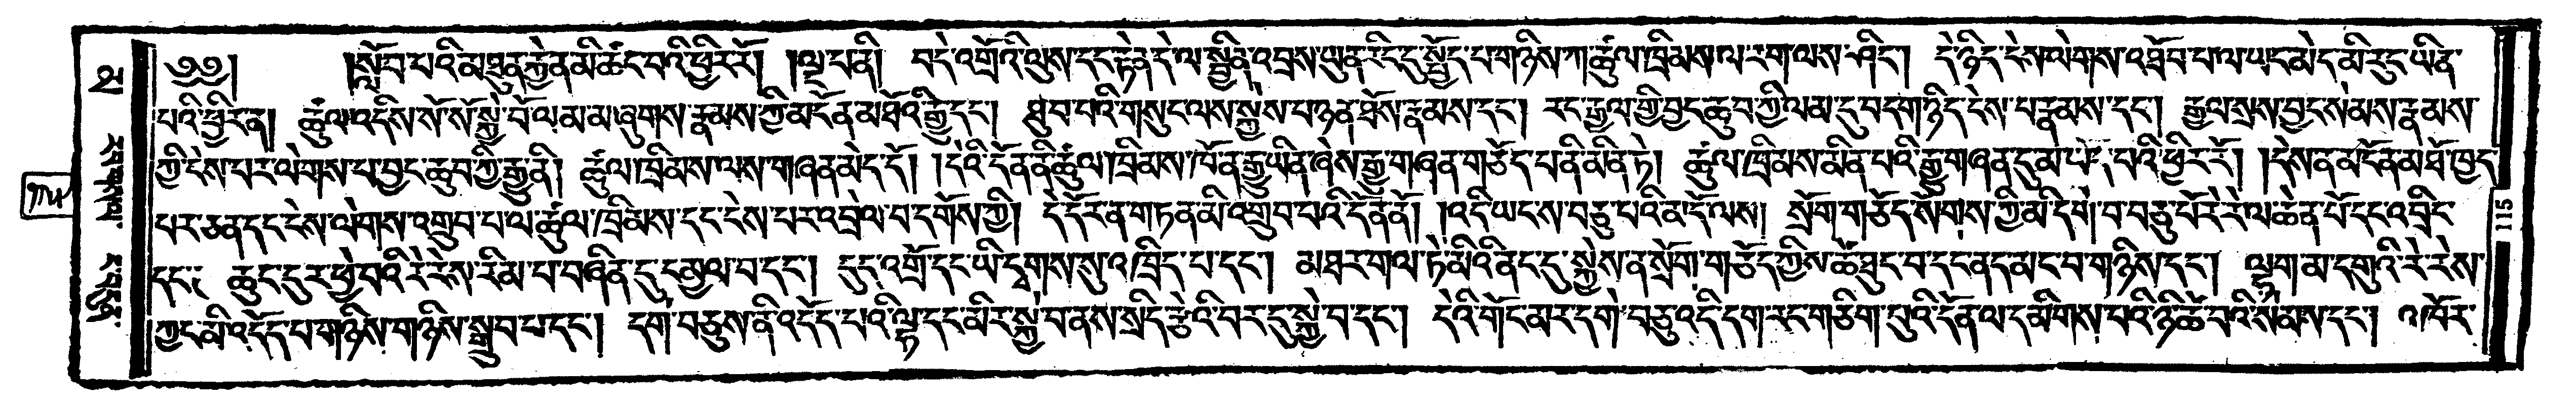༄༅། །སློབ་པའི་མཐུན་རྐྱེན་མི་ཚང་བའི་ཕྱིར་རོ། །ལྔ་པ་ནི། བདེ་འགྲོའི་ལུས་དང་རྟེན་དེ་ལ་སྦྱིན་འབྲས་ཡུན་རིང་དུ་སྤྱོད་པ་གཉིས་ཀ་ཚུལ་ཁྲིམས་ལ་རག་ལས་ཤིང་། དེ་ཉིད་ངེས་ལེགས་འཐོབ་པ་ལ་ཡང་མེད་མི་རུང་ཡིན་
པའི་ཕྱིར་ན། ཚུལ་འདིས་སོ་སོ་སྐྱེ་བོ་ལམ་མ་ཞུགས་རྣམས་ཀྱི་མངོན་མཐོའི་རྒྱུ་དང་། ཐུབ་པའི་གསུང་ལས་སྐྱེས་པ་ཉན་ཐོས་རྣམས་དང་། རང་རྒྱལ་གྱི་བྱང་ཆུབ་ཀྱི་ལམ་དུ་བདག་ཉིད་ངེས་པ་རྣམས་དང་། རྒྱལ་སྲས་བྱང་སེམས་རྣམས་
ཀྱི་ངེས་པར་ལེགས་པ་བྱང་ཆུབ་ཀྱི་རྒྱུ་ནི། ཚུལ་ཁྲིམས་ལས་གཞན་མེད་དོ། །དེའི་དོན་ནི་ཚུལ་ཁྲིམས་ཁོ་ན་རྒྱུ་ཡིན་ཞེས་རྒྱུ་གཞན་གཅོད་པ་ནི་མིན་ཏེ། ཚུལ་ཁྲིམས་མིན་པའི་རྒྱུ་གཞན་དུ་མ་ཡོད་པའི་ཕྱིར་རོ། །དེས་ན་མངོན་མཐོ་ཁྱད་
པར་ཅན་དང་ངེས་ལེགས་འགྲུབ་པ་ལ་ཚུལ་ཁྲིམས་དང་ངེས་པར་འབྲེལ་བ་དགོས་ཀྱི། དེ་དོར་ན་གཏན་མི་འགྲུབ་པའི་དོན་ནོ། །འདི་ཡང་ས་བཅུ་པའི་མདོ་ལས། སྲོག་གཅོད་སོགས་ཀྱི་མི་དགེ་བ་བཅུ་པོ་རེ་རེ་ལ་ཆེན་པོ་དང་འབྲིང་
དང༑ ཆུང་ངུར་ཕྱེ་བའི་རེ་རེས་རིམ་པ་བཞིན་དུ་དམྱལ་བ་དང་། དུད་འགྲོ་དང་ཡི་དྭགས་སུ་འཁྲིད་པ་དང་། མཐར་གལ་ཏེ་མིའི་ནང་དུ་སྐྱེས་ན་སྲོག་གཅོད་ཀྱིས་ཚེ་ཐུང་བ་དང་ནད་མང་བ་གཉིས་དང་། ལྷག་མ་དགུའི་རེ་རེས་
ཀྱང་མི་འདོད་པ་གཉིས་གཉིས་སྒྲུབ་པ་དང་། དགེ་བཅུས་ནི་འདོད་པའི་ལྷ་དང་མིར་སྐྱེ་བ་ནས་སྲིད་རྩེའི་བར་དུ་སྐྱེ་བ་དང་། དེའི་གོང་མར་དགེ་བཅུ་འདི་དག་རང་གཅིག་པུའི་དོན་ལ་དམིགས་པའི་ཉི་ཚེ་བའི་སེམས་དང་། འཁོར་